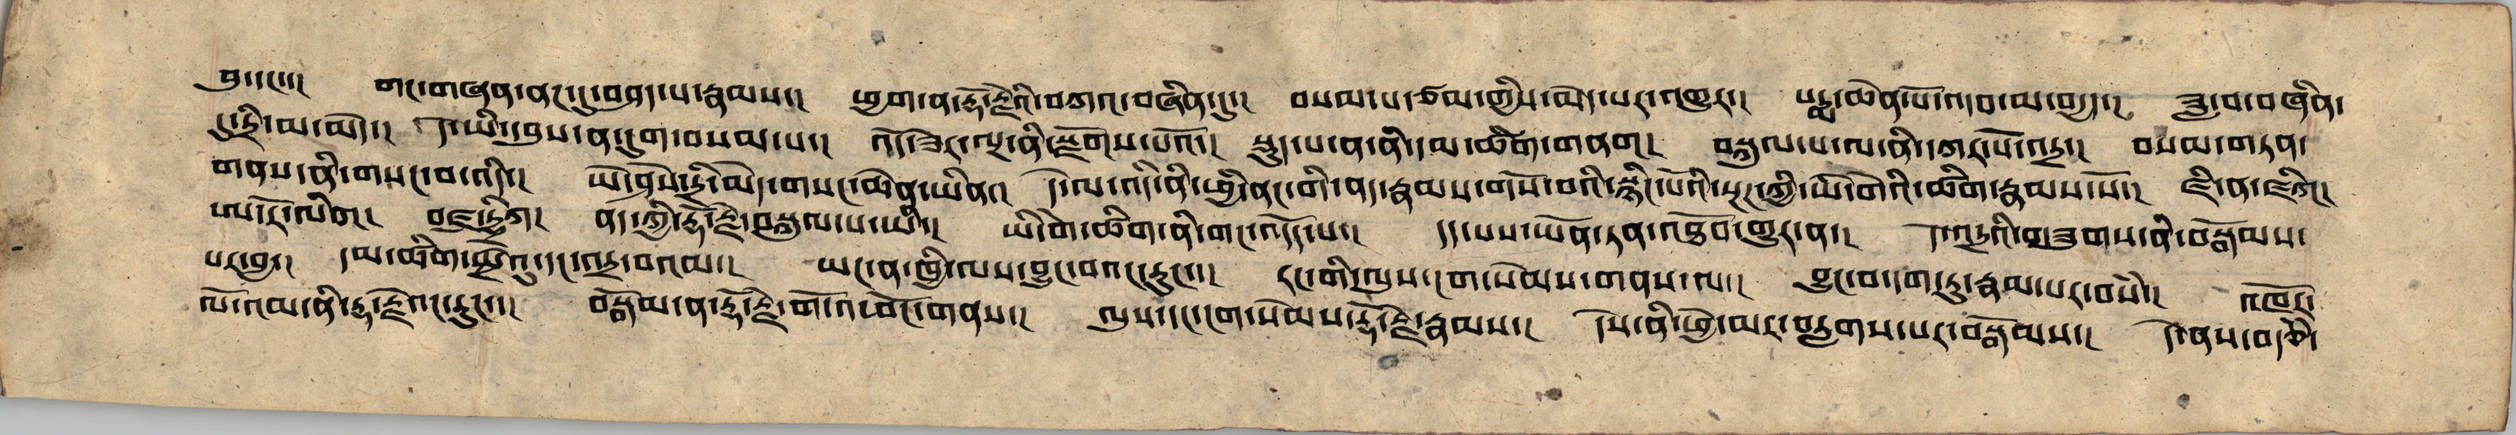བུ་དང་་། གང་གཞན་ནང་དུ་བཤད་པ་རྣམས་། ཕྱག་ན་རྡོ་རྗེའི་བཀའ་བཞིན་དུ་། བསམ་པ་ཙམ་གྱིས་མེད་པར་འགྱུར་། པདྨ་ཆེན་པོ་འདབ་མ་བདྱད་། ཟླ་བ་བཞིན་
དུ་དྲི་མ་མེད་། དེ་ཡི་དབུས་ན་དུག་བསམ་པ་། འོད་ཟེར་ལྔ་ནི་སྫོགས་པའོ་། སྡུད་པ་ན་ནི་དམ་ཚིག་གནག། བསྐུལ་པ་ལ་ནི་དཀར་པོ་འདྲ་། བསམ་གཏན་
གནས་ནི་གསང་བ་འདི་། ཡེ་ཤེས་དྲི་མེད་གསང་ཆེན་ཡིན་། དེ་ལ་འདི་ནི་ཕྱི་ནང་གི་ནད་རྣམས་གསོ་བའི་སྙིང་པོའི་སྔཌ་ཀྱི་ཡི་གེའི་ཚིག་རྣམས་སོ་། ཛི་ན་ཛིཀ།
ཨ་རོ་ལིག། བཛྲ་དྷྲིཀ། ནད་ཀྱི་རྡོ་རྗེ་བསྐུལ་པ་ཡི་། ཡི་གེ་ཚིག་ནི་གང་འདོད་པ་། དད་པས་ཡོན་ཏན་འཐོབ་གྱུར་ན་། དེ་འདྲའི་གཟུགས་ནི་བསྒོམས་
པར་བྱ་། དམ་ཚིག་སྤྲེའུ་དང་འདྲ་བའམ་། ཡང་ན་ཁྱི་ལས་བྱུང་བའང་རུང་་། རང་གི་ལུས་ངག་སེམས་གནས་ལ་། བྱུང་བ་དག་ཏུ་རྣམ་པར་བསཾ་། འཁོར་
ལོ་འམ་ནི་རྡ་རྗེའང་རུང་་། བསྒོམ་ན་རྡོ་རྗེ་གོ་འཕོང་གནས་། ལུས་དང་ངག་སེམས་རྡོ་རྗེ་རྣམས་། དེས་ནི་ཕྱེ་མར་བརླགས་པར་བསྒོམས་། དེ་ནས་བརྩི་